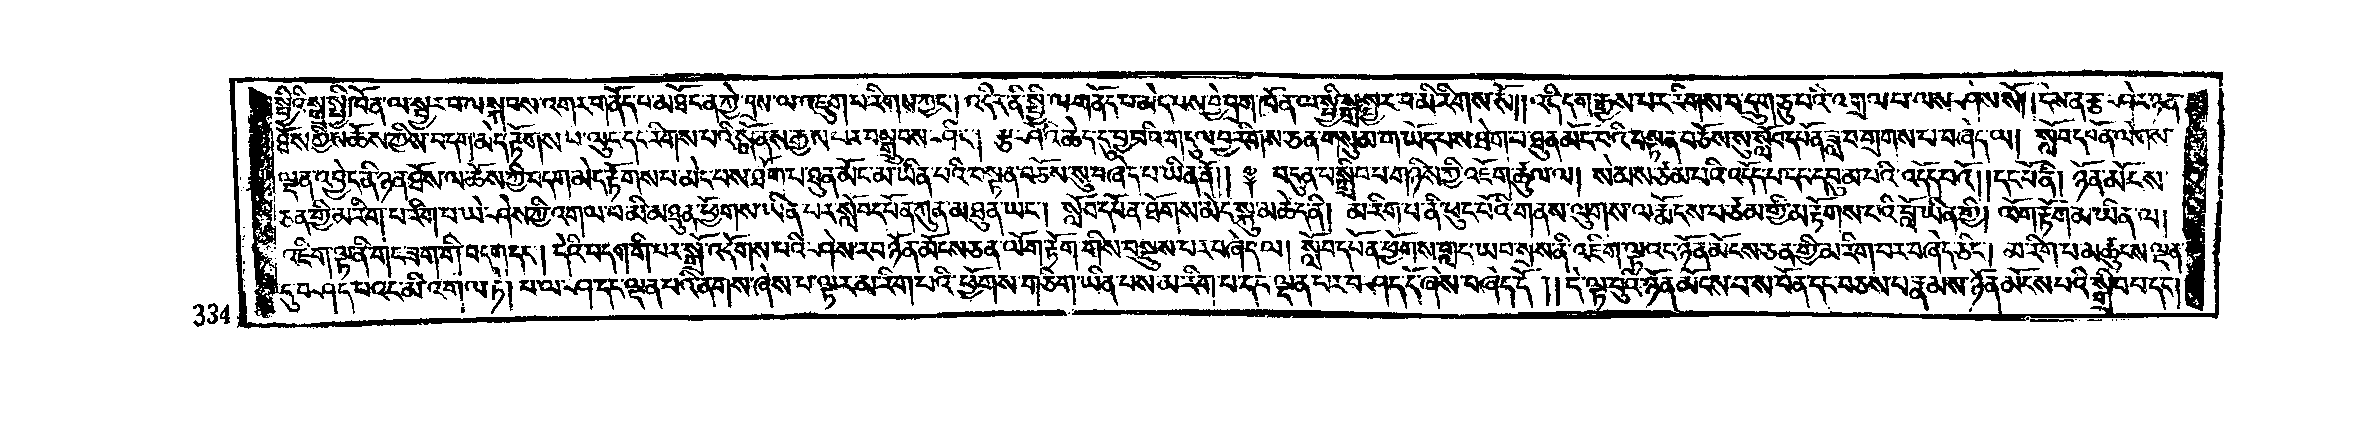སྤྱིའི་སྒྲ་སྤྱི་ཁོ་ན་ལ་སྦྱར་བ་ལ་སྐབས་འགར་གནོད་པ་མཐོང་ན་ཀྱི་བྲས?་ལ་འཇུག་པ་རིགས་ཀྱང་། འདིར་ནི་སྤྱི་ལ་གནོད་པ་མེད་པས་བྱེ་བྲག་ཁོ་ན་ལ་སྤྱི་སྒྲ་སྦྱར་བ་མི་རིགས་སོ། །འདི་དག་རྒྱས་པར་རིགས་པ་དྲུག་ཅུ་པའི་འགྲལ་པ་ལས་ཤེས་སོ། །དེས་ན་རྩ་ཤེར་ཉན་
ཐོས་ཀྱིས་ཆོས་ཀྱིས་བདག་མེད་རྟོགས་པ་ལུང་དང་རིགས་པའི་སྒོ་ནས་རྒྱས་པར་བསྒྲུབས་ཤིང་། རྩ་ཤའི་ཆེད་དུ་བྱ་བའི་གདུལ་བྱ་རིགས་ཅན་གསུམ་གཡོད་པས་ཐེག་པ་ཐུན་མོང་བའི་བསྟན་བཅོས་སུ་སློབ་དཔོན་ཟླ་བ་གྲགས་པ་བཞེད་ལ། སློབ་དཔོན་ལེགས་
ལྡན་འབྱེད་ནི་ཉན་ཐོས་ལ་ཆོས་ཀྱི་བདག་མེད་རྟོགས་པ་མེད་པས་ཐོག་པ་ཐུན་མོང་མ་ཡིན་པའི་བསྟན་བཅོས་སུ་བཞེད་པ་ཡིན་ནོ། ། བདུན་པ་སྒྲིབ་པ་གཉིས་ཀྱི་འཇོག་ཚུལ་ལ། སེམས་ཙམ་པའི་འདོད་པ་དང་དབུ་མ་པའི་འདོད་པའོ། །དང་པོ་ནི། ཉོན་མོངས་
ཅན་གྱི་མ་རིག་པ་རིག་པ་ཡེ་ཤེས་ཀྱི་འགལ་བ་མི་མཐུན་ཕྱོགས་ཡིན་པར་སློབ་དཔོན་ཀུན་མཐུན་ཡང་། སློབ་དཔོན་ཐོགས་མེད་སྐུ་མཆེད་ནི། མ་རིག་པ་ནི་ཕུང་པོའི་གནས་ལུགས་ལ་རྨོངས་པ་ཙམ་གྱི་མ་རྟོགས་པའི་བློ་ཡིན་གྱི། ལོག་རྟོག་མ་ཡིན་ལ།
འཇིག་ལྟ་ནི་གང་ཟག་གི་བདག་དང་། དེའི་བདག་གི་བར་སྒྲོ་འདོགས་པའི་ཤེས་རབ་ཉོན་མོངས་ཅན་ལོག་རྟོག་གིས་བསྡུས་པར་བཞེད་ལ། སློབ་དཔོན་ཕྱོགས་གླང་ཡབ་སྲས་ནི་འཇིག་ལྟའང་ཉོན་མོངས་ཅན་གྱི་མ་རིག་པར་བཞེད་ཅིང་། མ་རིག་པ་མཚུངས་ལྡན་
དུ་བཤད་པའང་མི་འགལ་ཏེ། པ་ལ་ཤ་དང་ལྡན་པའི་ནགས་ཞེས་པ་ལྟར་མ་རིག་པའི་ཕྱོགས་གཅིག་ཡིན་པས་མ་རིག་པ་དང་ལྡན་པར་བཤད་དོ་ཞེས་བཞེད་དོ། །དེ་ལྟ་བུའི་ཉོན་མོངས་པ་ས་བོན་དང་བཅས་པ་རྣམས་ཉོན་མོངས་པའི་སྒྲིབ་པ་དང་།